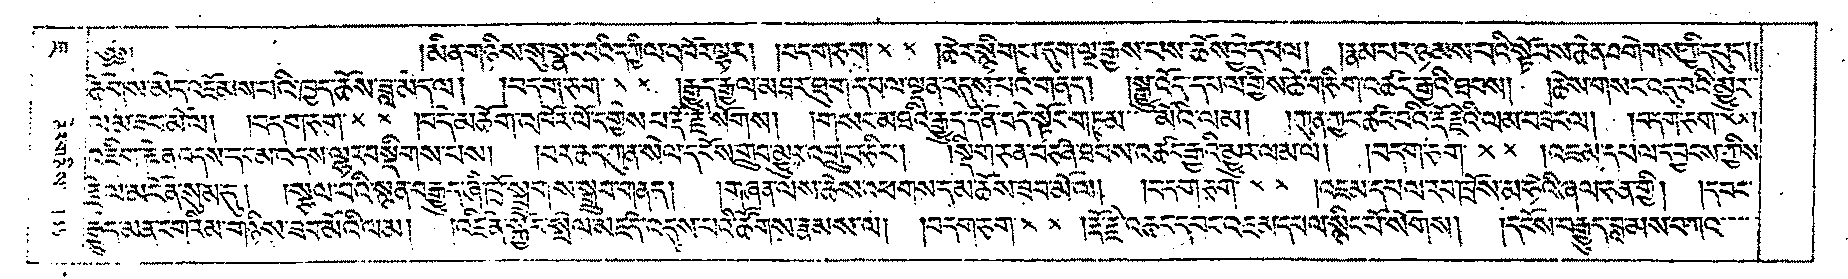༄༅། །མིན་གཉིས་སུ་སྣང་བའི་དཀྱིལ་འཁོར་ལྷར། །བདག་ཅག་྾་྾་།ཆེར་སྙིགས་དུག་ལྔ་རྒྱས་པས་ཆོས་བྱེད་ཕལ། །རྣམ་པར་ཉམས་པའི་སྟོབས་ཆེན་བགེགས་ཀྱི་དཔུང་། །
ཚེགས་མེད་འཇོམས་པའི་ཁྱད་ཆོས་ཟླ་མེད་ལ། །བདག་ཅག་྾་྾་།རྒྱུད་རྒྱལ་མཐར་ཐུག་དཔལ་ལྡན་འདུས་པའི་གནད། །སྒྱུ་འོད་དཔལ་གྱིས་ཚེ་གཅིག་འཚང་རྒྱའི་ཐབས། །ཆེས་གསང་འདུ་བའི་མྱུར་
ལམ་ཟབ་མོ་ལ། །བདག་ཅག་྾་྾་།བདེ་མཆོག་འཁོར་ལོ་དགྱེས་པ་རྡོ་རྗེ་སོགས། །གསང་མཐའི་རྒྱུད་དོན་བདེ་སྟོང་གཏུམ་མོའི་ལམ། །ཀུན་ཀྱང་ཚང་བའི་རྡོ་རྗེའི་ལམ་བཟང་ལ། །བདག་ཅག་྾་྾།
འཇིག་རྟེན་འདས་དང་མ་འདས་ལྷར་བསྡིགས་པས། །བར་ཆད་ཀུན་སེལ་དངོས་གྲུབ་མྱུར་འགྲུབ་ཅིང་། །སྡིག་ཅན་བཙན་ཐབས་འཚང་རྒྱའི་མྱུར་ལམ་ལ། །བདག་ཅག་྾་྾་།འཇམ་དཔལ་དབྱངས་ཀྱིས་
རྗེ་ལ་མངོན་སུམ་དུ། །སྩལ་བའི་སྙན་བརྒྱུད་ཞི་ཁྲོ་སྦྲགས་སྒྲུབ་གནད། །གཞན་ལས་ཆེས་འཕགས་དམ་ཆོས་ཟབ་མོ་ལ། །བདག་ཅག་྾་྾་།འཇམ་དཔལ་རབ་ཁྲོས་མ་ཧེའི་ཞལ་ཅན་གྱི། །དབང་
རྒྱུད་མན་ངག་རིམ་གཉིས་ཟབ་མོའི་ལམ། །འཛིན་སྐྱོང་སྤེལ་མཛད་འདུས་པའི་ཚོགས་རྣམས་ལ། །བདག་ཅག་྾་྾་།རྡོ་རྗེ་འཆང་དབང་འཇམ་དཔལ་སྙིང་པོ་སོགས། །དངོས་བརྒྱུད་བླ་མས་བཀའ་